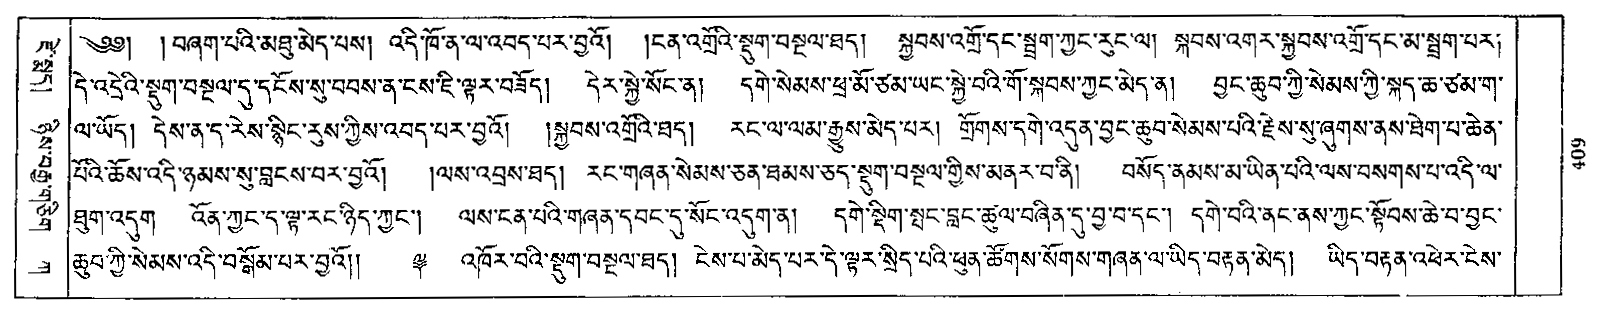༄༅། །བཞག་པའི་མཐུ་མེད་པས། འདི་ཁོ་ན་ལ་འབད་པར་བྱའོ། །ངན་འགྲོའི་སྡུག་བསྔལ་ཐད། སྐྱབས་འགྲོ་དང་སྦྲག་ཀྱང་རུང་ལ། སྐབས་འགར་སྐྱབས་འགྲོ་དང་མ་སྦྲག་པར།
དེ་འདྲེའི་སྡུག་བསྔལ་དུ་དངོས་སུ་བབས་ན་ངས་ཇི་ལྟར་བཟོད། དེར་སྐྱེ་སོང་ན། དགེ་སེམས་ཕྲ་མོ་ཙམ་ཡང་སྐྱེ་བའི་གོ་སྐབས་ཀྱང་མེད་ན། བྱང་ཆུབ་ཀྱི་སེམས་ཀྱི་སྐད་ཆ་ཙམ་ག་
ལ་ཡོད། དེས་ན་ད་རེས་སྙིང་རུས་ཀྱིས་འབད་པར་བྱའོ། །སྐྱབས་འགྲོའི་ཐད། རང་ལ་ལམ་རྒྱུས་མེད་པར། གྲོགས་དགེ་འདུན་བྱང་ཆུབ་སེམས་པའི་རྗེས་སུ་ཞུགས་ནས་ཐེག་པ་ཆེན་
པོའི་ཆོས་འདི་ཉམས་སུ་བླངས་བར་བྱའོ། །ལས་འབྲས་ཐད། རང་གཞན་སེམས་ཅན་ཐམས་ཅད་སྡུག་བསྔལ་གྱིས་མནར་བ་ནི། བསོད་ནམས་མ་ཡིན་པའི་ལས་བསགས་པ་འདི་ལ་
ཐུག་འདུག་འོན་ཀྱང་ད་ལྟ་རང་ཉིད་ཀྱང་། ལས་ངན་པའི་གཞན་དབང་དུ་སོང་འདུག་ན། དགེ་སྡིག་སྤང་བླང་ཚུལ་བཞིན་དུ་བྱ་བ་དང་། དགེ་བའི་ནང་ནས་ཀྱང་སྟོབས་ཆེ་བ་བྱང་
ཆུབ་ཀྱི་སེམས་འདི་བསྒོམ་པར་བྱའོ།། ༈ འཁོར་བའི་སྡུག་བསྔལ་ཐད། ངེས་པ་མེད་པར་དེ་ལྟར་སྲིད་པའི་ཕུན་ཚོགས་སོགས་གཞན་ལ་ཡིད་བརྟན་མེད། ཡིད་བརྟན་འཕེར་ངེས་